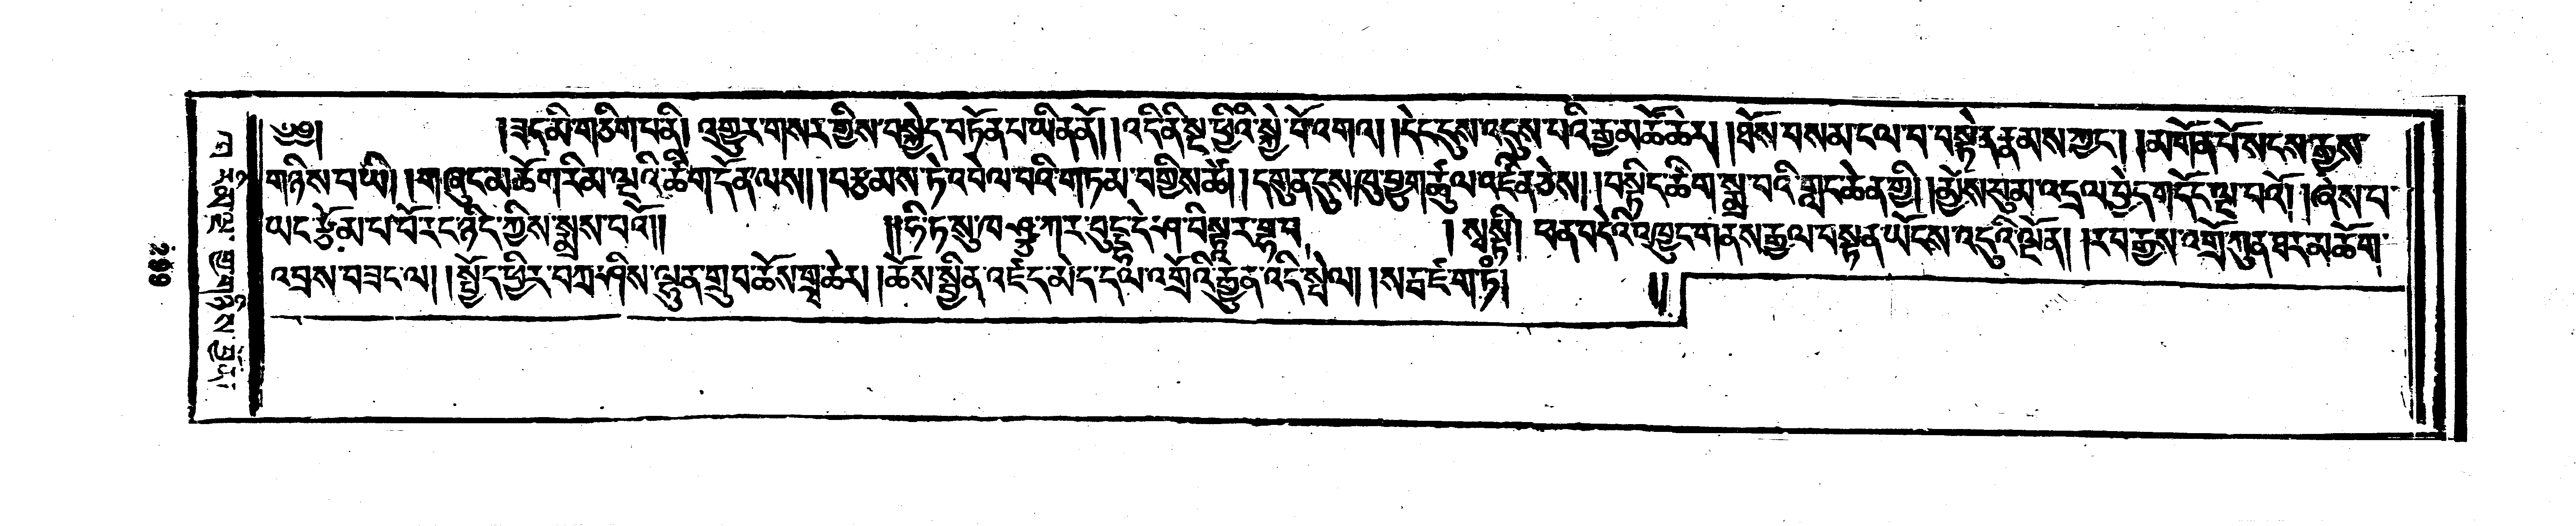༄༅། །ཟད་མི་གཅིག་པ་ནི། འགྱུར་གསར་གྱིས་བསྐྱེད་བཏོན་པ་ཡིན་ནོ། །འདི་ནི་སྔ་ཕྱིའི་སྐྱེ་བོ་འགའ། །དེང་དུས་འདུས་པའི་རྒྱ་མཚོ་ཆེར། །ཐོས་བསམ་ངལ་བ་བསྟེན་རྣམས་ཀྱང་། །མགོན་པོ་སངས་རྒྱས་
གཉིས་པ་ཡི། །གཞུང་མཆོག་རིམ་ལྔའི་ཚིག་དོན་ལས། །བརྩམས་ཏེ་འབེལ་བའི་གཏམ་བགྱིས་ཚེ། །དགུན་དུས་ཁུ་བྱུག་ཚུལ་འཛིན་ཅེས། །བསྟིང་ཚིག་སྨྲ་པའི་གླང་ཆེན་གྱི། །མྱོས་བུམ་འདྲལ་བྱེད་གདོང་ལྔ་པའོ། །ཞེས་པ་
ཡང་རྩོམ་པ་པོ་རང་ཉིད་ཀྱིས་སྨྲས་པའོ།། །།ཧི་ཏ་སུ་ཁཤྩ་ཀ་ར་བུདྡྷ་དེ་ཤ་བིསྟཱ་ར་བྷ་བ་།སྭསྟི། ཕན་བདེའི་འབྱུང་གནས་རྒྱལ་བསྟན་ཡོངས་འདུའི་ལྡོན། །རབ་རྒྱས་འགྲོ་ཀུན་ཐར་མཆོག་
འབྲས་བཟང་ལ། །སྤྱོད་ཕྱིར་བཀྲ་ཤིས་ལྷུན་གྲུབ་ཆོས་གྲྭ་ཆེར། །ཆོས་སྦྱིན་འཛད་མེད་དལ་འགྲོའི་རྒྱུན་འདི་སྤེལ། །སརྦ་ཛ་ག་ཏཾ། །།